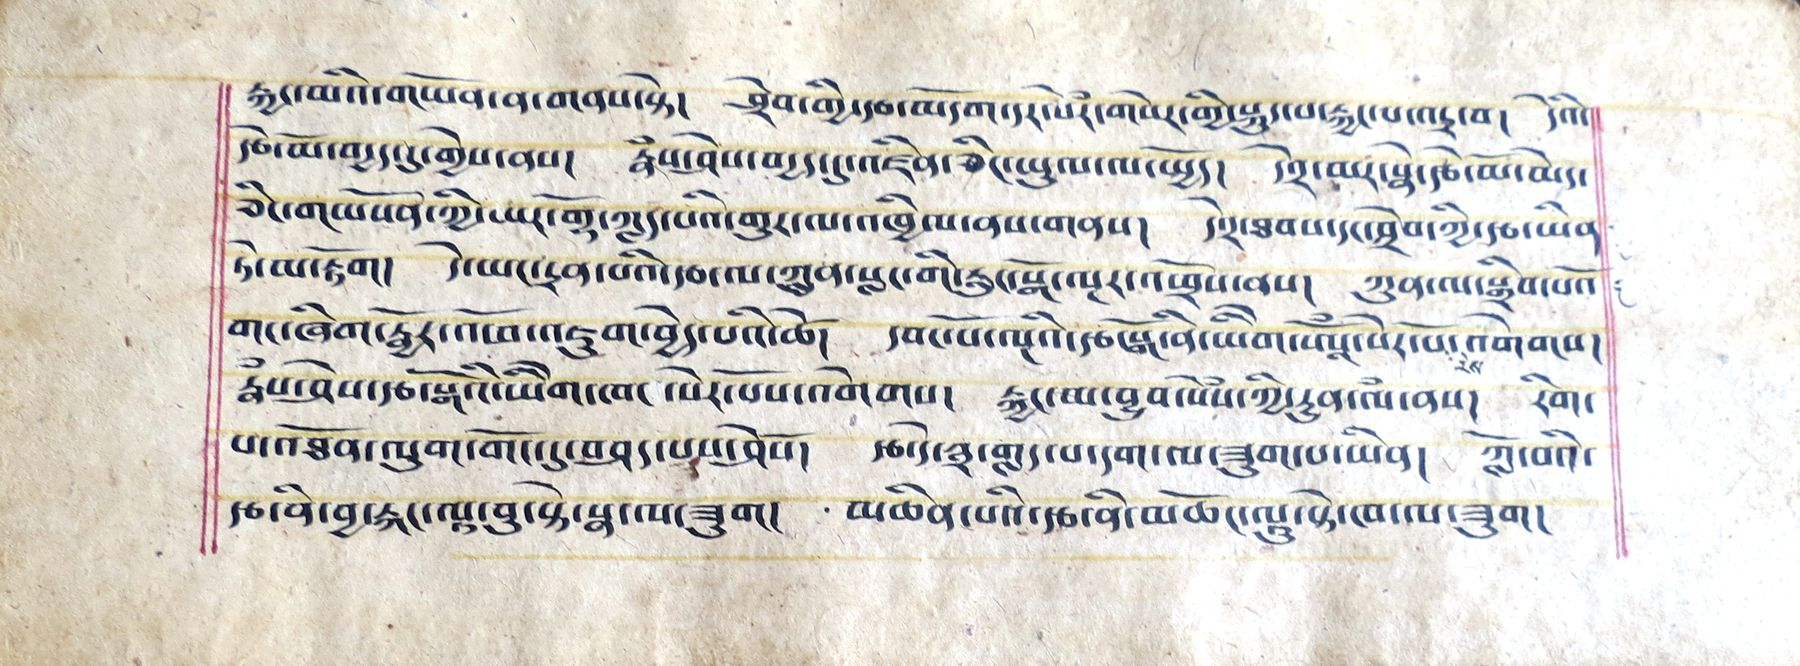རྐྱང་མའི་གཡོན་ན་གནས་ཏེ། ཤེས་རབ་ཀྱི་མདོག་དར་སེར་རམ་གསེར་གྱི་སྐུད་པ་བརྐྱངས་པ་འདྲ་བ། དེའི་
རྩེ་མོ་བརྒྱད་དུ་གྱེས་ནས། རྣམ་ཤེས་བརྒྱད་དུ་གྱེས་ནས་ཡུལ་ལ་སྤྱོད། དེ་གཉིས་མར་སྣེ་རྩེ་མོ་མེད་
ཅིང་གཡས་གཡོན་གྱི་ཡར་གྷོ་ཀླད་པའི་གུར་ལ་འཁྱིལ་ནས་གནས། དེ་གཉིས་ཐབས་དང་ཤེས་རབ་ཀྱི་རྩ་ཡིན་
ཏེ་མ་རྟོགས། དེ་ཡང་དྲན་པའི་རྩ་ལ་ཀུན་སློང་གི་རླུང་སྒོ་ལྔར་འཕྲོས་ནས། ཀུན་ལ་སྒྲིབ་པའོ། 
གང་ཞིག་རྣལ་འབྱོར་འཕོ་འཇུག་བྱེད་པའི་ཚེ། དབང་པོ་ལྔའི་རྩ་སྒོ་ནི་ཡི་གེ་ཨཱོྂ་སེར་པོ་རེས་འགེགས། 
རྣམ་ཤེས་རྩ་སྒོའི་ཡི་གེ་ཁང་སེར་པོས་འགེགས། རྐྱང་མ་བྱང་ཆུབ་སེམས་ཀྱི་རྒྱུན་ལམ་ནས། རིག་
པ་འཐོན་ལུགས་གོང་དུ་བཤད་པས་ཤེས་སོ། རྩ་དེ་གཉིས་ཀླད་པ་དག་ལ་ཟུག་པ་ཡིན། གློ་བའི་
རྩ་ནི་བྱ་རྐང་ལྟ་བུ་སྟེ་སྣ་ལ་ཟུག མཆིན་པའི་རྩ་ནི་མཆོང་ལྟ་བུ་སྟེ་ཁ་ལ་ཟུག